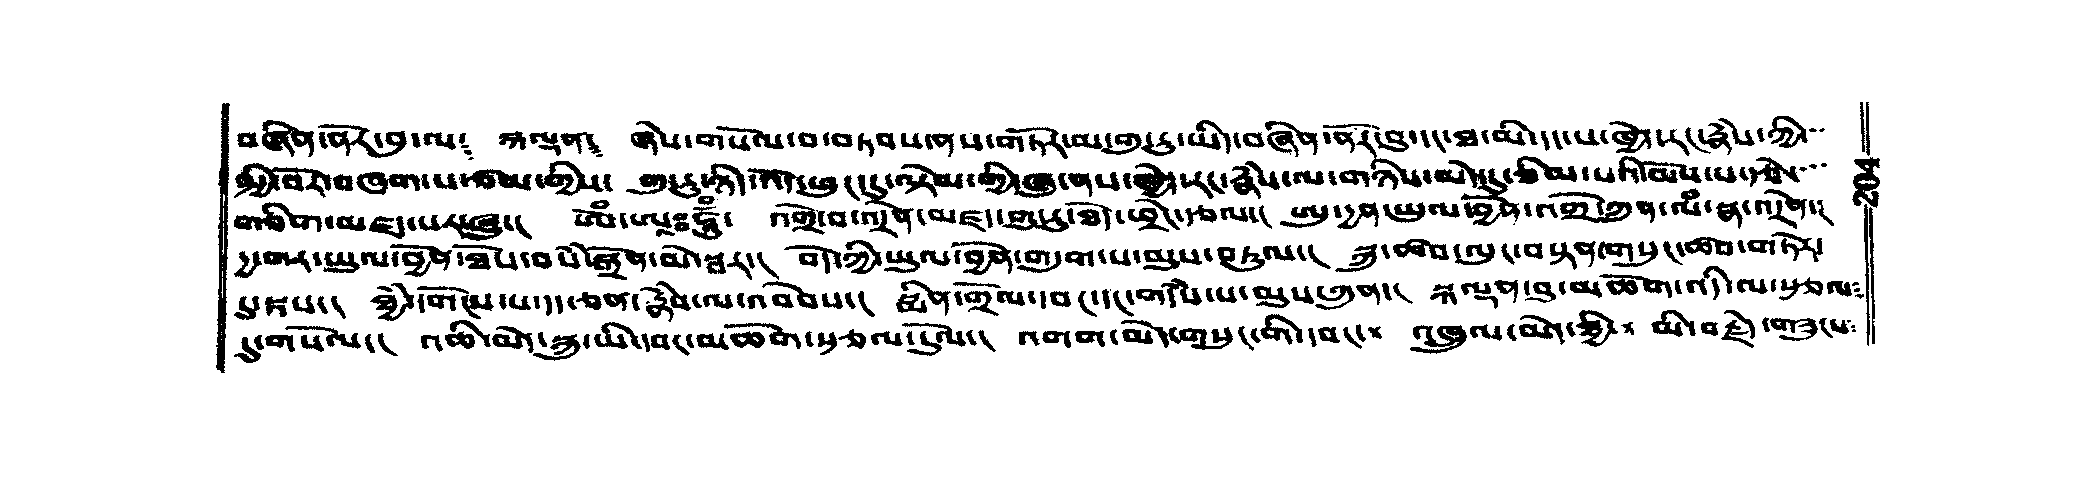བཞིན་ནོར་བུ་ལ༴ སྐལ་ལྡན༴ ཞེས་གསུལ་བ་བཏབས་ནས་གཏོར་མ་གུ་རུ་ཡིད་བཞིན་ནོར་བུ་དང་ཐ་མི་དད་པ་ཁྱེད་རང་རྣམས་ཀྱི་
སྤྱི་བོར་བཞག་པ་ཙམ་གྱིས། གུ་རུ་ཉིད་འོད་ཕུང་དུ་ལྟེམ་གྱི་ཞུ་ནས་ཁྱེད་རང་རྣམས་ལ་གཉིས་མེད་དུ་ཐིམ་པའི་མོས་པ་རྩེ་
གཅིག་མཛད་པར་ཞུ། ཨོཾ་ཨཱཿཧཱུྃ། འགྲོ་བ་འདྲེན་མཛད་གུ་རུ་ཐོད་ཕྲེང་རྩལ། ཨུ་རྒྱན་ཡུལ་བྱོན་འགྲོ་ཀུན་ལམ་སྣ་འདྲེན། 
རྒྱ་གར་ཡུལ་བྱོན་ཐོས་བསམ་སྒྲོན་མེ་སྦར། བོད་ཀྱི་ཡུལ་བྱོན་གདུག་པ་མ་ལུས་བཏུལ། སྐུ་ཚབ་ལུང་བསྟན་གསུང་ཚབ་གཏེར་
དུ་སྦས། ཐུགས་ཀྱི་དགོངས་པ་དད་ཅན་རྣམས་ལ་འབེབས། སྨིན་གྲོལ་དབང་དང་གདམས་པ་མ་ལུས་ཀུན། སྐལ་ལྡན་བུ་མཆོག་འདི་ལ་སྩལ་
དུ་གསོལ། འཆི་མེད་སྐུ་ཡི་དབང་མཆོག་སྩལ་དུ་གསོལ། འགག་མེད་གསུང་གི་དབང༴ འཁྲུལ་མེད་ཐུགས་ཀྱི༴ མི་བརྗེད་གཟུངས་